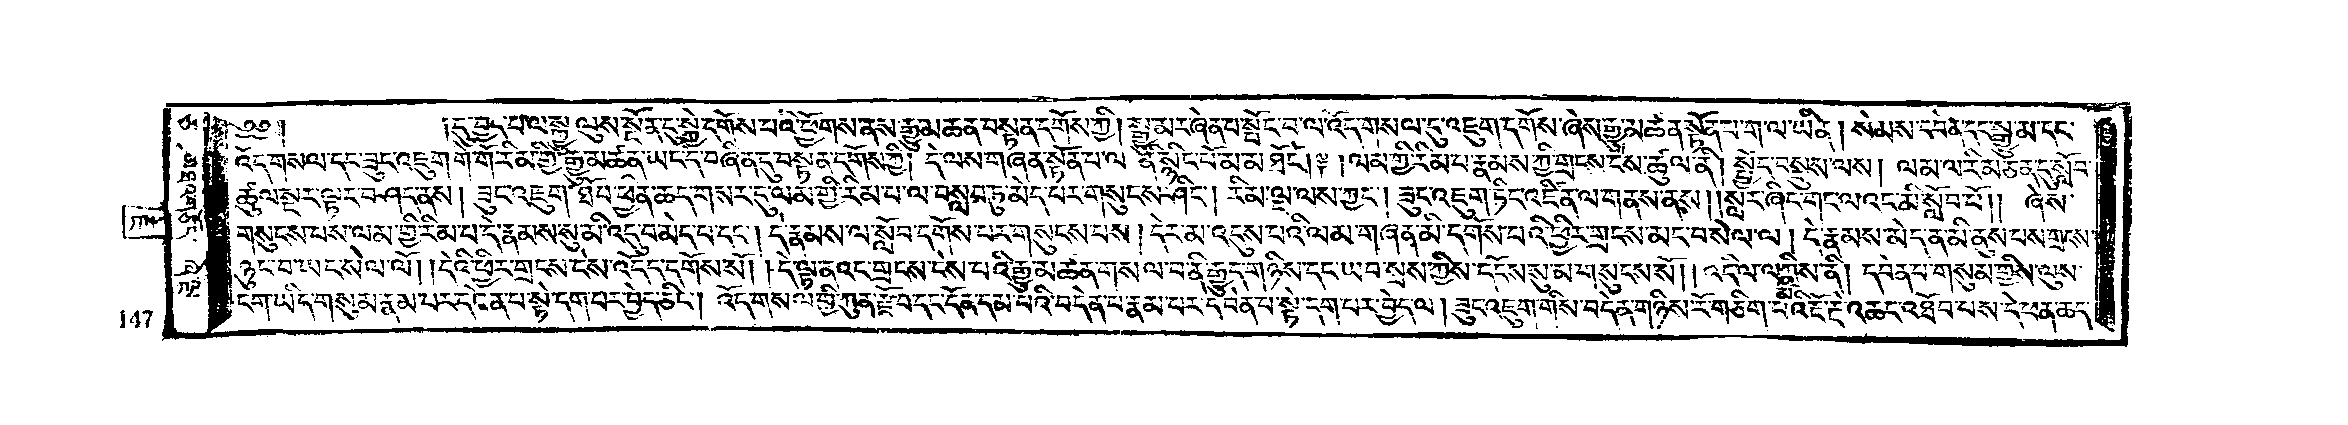༄༅། །དུ་བྱེད་པ་ལ་སྒྱུ་ལུས་སྔོན་དུ་སྐྱེ་དགོས་པའི་ཕྱོགས་ནས་རྒྱུ་མཚན་བསྟན་དགོས་ཀྱི། སྒྱུ་མར་ཞེན་པ་སྤོང་བ་ལ་འོད་གསལ་དུ་འཇུག་དགོས་ཞེས་རྒྱུ་མཚན་སྟོན་པ་ག་ལ་ཡིན། སེམས་དབེན་དང་སྒྱུ་མ་དང་
འོད་གསལ་དང་ཟུང་འཇུག་གི་གོ་རིམ་གྱི་རྒྱུ་མཚན་ཡང་དེ་བཞིན་དུ་བསྟན་དགོས་ཀྱི། དེ་ལས་གཞན་སྟོན་པ་ལ་ནི་སྙིང་པོ་མ་མཐོང་ངོ། ༈ །ལམ་གྱི་རིམ་པ་རྣམས་ཀྱི་གྲངས་ངེས་ཚུལ་ནི། སྤྱོད་བསྡུས་ལས། ལམ་ལ་རིམ་ཅན་དུ་སློབ་
ཚུལ་སྔར་ལྟར་བཤད་ནས། ཟུང་འཇུག་ཐོབ་ཕྱིན་ཆད་གསར་དུ་ལམ་གྱི་རིམ་པ་ལ་བསླབ་ཏུ་མེད་པར་གསུངས་ཤིང་། རིམ་ལྔ་ལས་ཀྱང་། ཟུང་འཇུག་ཏིང་འཛིན་ལ་གནས་ནས། །སླར་ཞིང་གང་ལའང་མི་སློབ་པོ། །ཞེས་
གསུངས་པས་ལམ་གྱི་རིམ་པ་དེ་རྣམས་སུ་མི་འདུ་བ་མེད་པ་དང་། དེ་རྣམས་ལ་སློབ་དགོས་པར་གསུངས་པས། དེར་མ་འདུས་པའི་ལམ་གཞན་མི་དགོས་པའི་ཕྱིར་གྲངས་མང་བ་སེལ་ལ། དེ་རྣམས་མེད་ན་མི་ནུས་པས་གྲངས་
ཉུང་བ་ཡང་སེལ་ལོ། །དེའི་ཕྱིར་གྲངས་ངེས་འདོད་དགོས་སོ། །དེ་ལྟ་ནའང་གྲངས་ངེས་པའི་རྒྱུ་མཚན་གསལ་བ་ནི་རྒྱུད་གཉིས་དང་ཡབ་སྲས་ཀྱིས་དངོས་སུ་མ་གསུངས་སོ། །འདི་ལ་ལཀྵྨིས་ནི། དབེན་པ་གསུམ་གྱིས་ལུས་
ངག་ཡིད་གསུམ་རྣམ་པར་དབེན་པ་སྟེ་དག་པར་བྱེད་ཅིང་། འོད་གསལ་གྱི་ཀུན་རྫོབ་དང་དོན་དམ་པའི་བདེན་པ་རྣམ་པར་དབེན་པ་སྟེ་དག་པར་བྱེད་ལ། ཟུང་འཇུག་གིས་བདེན་གཉིས་རོ་གཅིག་པའི་རྡོ་རྗེ་འཆང་འཐོབ་པས་དེ་ཕན་ཆད་